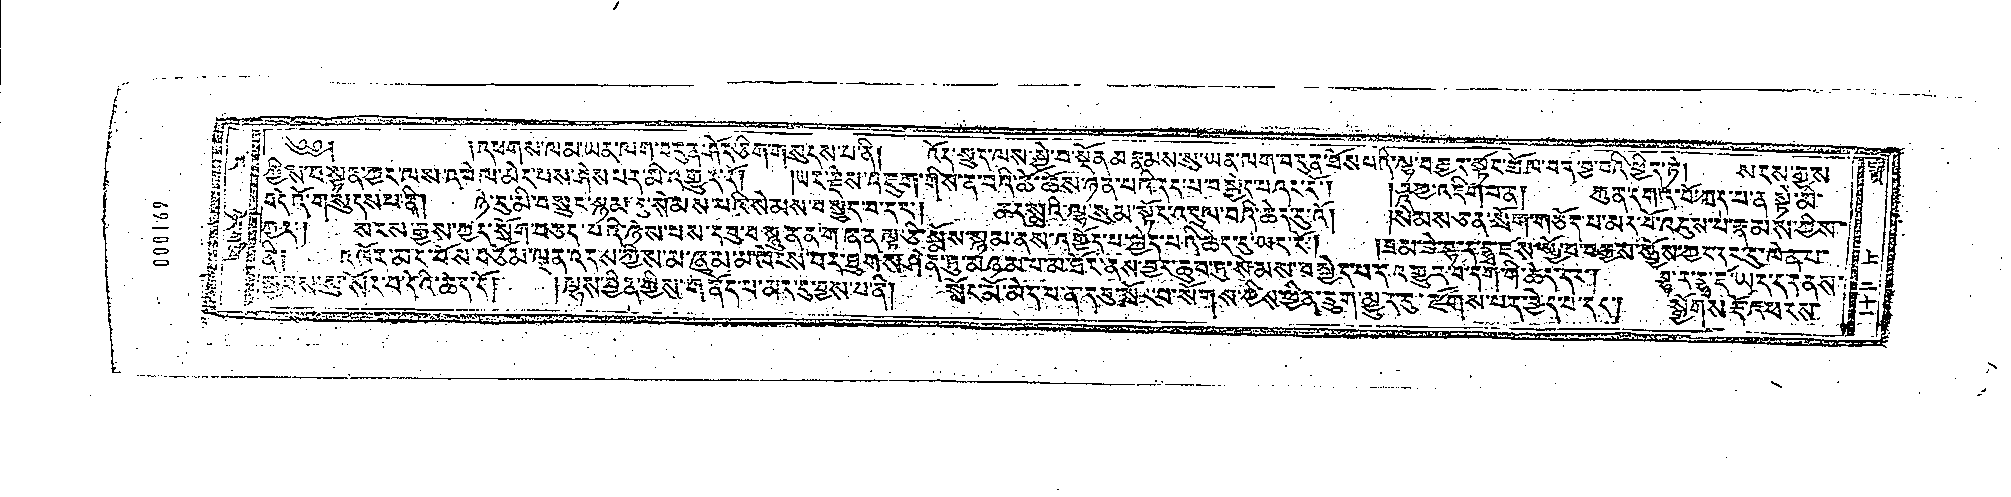༄༅། །འཕགས་ལམ་ཡན་ལག་བདུན་ཤོད་ཅིག་གསུངས་པ་ནི། འོད་སྲུང་ལས་སྐྱེ་བ་སྔོན་མ་རྣམས་སུ་ཡན་ལག་བདུན་ཐོས་པའི་ལྟ་བརྒྱད་སྟོང་གྲོལ་བར་བྱ་བའི་ཕྱིར་ཏེ། སངས་རྒྱས་
ཀྱིས་བསྟན་ཀྱང་ལས་འབྲེལ་མེད་པས་ཤེས་པར་མི་འགྱུར་རོ། །ཡང་རྗེས་འཇུག་གིས་ན་བའི་ཚེ་ཆོས་ཉན་པའི་དང་པ་བསྐྱེད་པའང་ངོ། །ཤཱཀྱ་འཇིག་པ་ན། ཀུན་དགའ་བོ་ཀླད་པ་ན་སྟེ་མི་
བདེའོ་གསུངས་པ་ནི། ཉེ་དུ་མི་བསྲུང་སྙམ་དུ་སེམས་པའི་སེམས་བསྲུང་བ་དང་། ཆད་སྨྲའི་ལྷ་སུམ་སྟོང་འདུལ་བའི་ཆེད་དུ་འོ། །སེམས་ཅན་སྲོག་གཅོད་པ་མང་པོ་འདུས་པ་རྣམས་ཀྱིས་
ཀྱང་། སངས་རྒྱས་ཀྱང་སྲོག་བཅད་པའི་ཉེས་པས་དབུ་བསྙུན་ན་གཞན་ལྟ་ཅི་སྨོས་སྙམ་ནས་འགྱོད་པ་སྐྱེད་པའི་ཆེད་དུ་ཡོད་དོ། །བྲམ་ཟེ་བཏ་ར་དྷྭ་ཛས་སྤྱོ་བ་བརྒྱས་སྤྱོས་ཀྱང་དང་དུ་ལེན་པ་
ནི། འཁོར་མང་བོས་བཅོམ་ལྡན་འདས་ཀྱིས་མ་ཞུམ་མ་ཁེངས་བར་ཐུགས་ཤེན་ཏུ་མཉམ་པ་མ་ཐོང་ནས་བྱང་ཆུབ་ཏུ་སེམས་བསྐྱེད་པར་འགྱུར་བ་དག་གི་ཆེད་དང་། བྷ་ར་དྷྭ་ཛ་ཡད་དར་ནས་
སྐྱབས་སུ་སོང་བ་དེའི་ཆེད་དོ། །ལྷས་བྱིན་གྱིས་གནོད་པ་མང་དུ་བྱས་པ་ནི། སློང་མོ་མེད་པ་ན་དབུ་སློང་བ་སོགས་ཀྱིས་ཕྱིན་དྲུག་མྱུར་དུ་རྫོགས་པར་བྱེད་པ་དང་། སྒྱོགས་རྡོ་འཕངས་